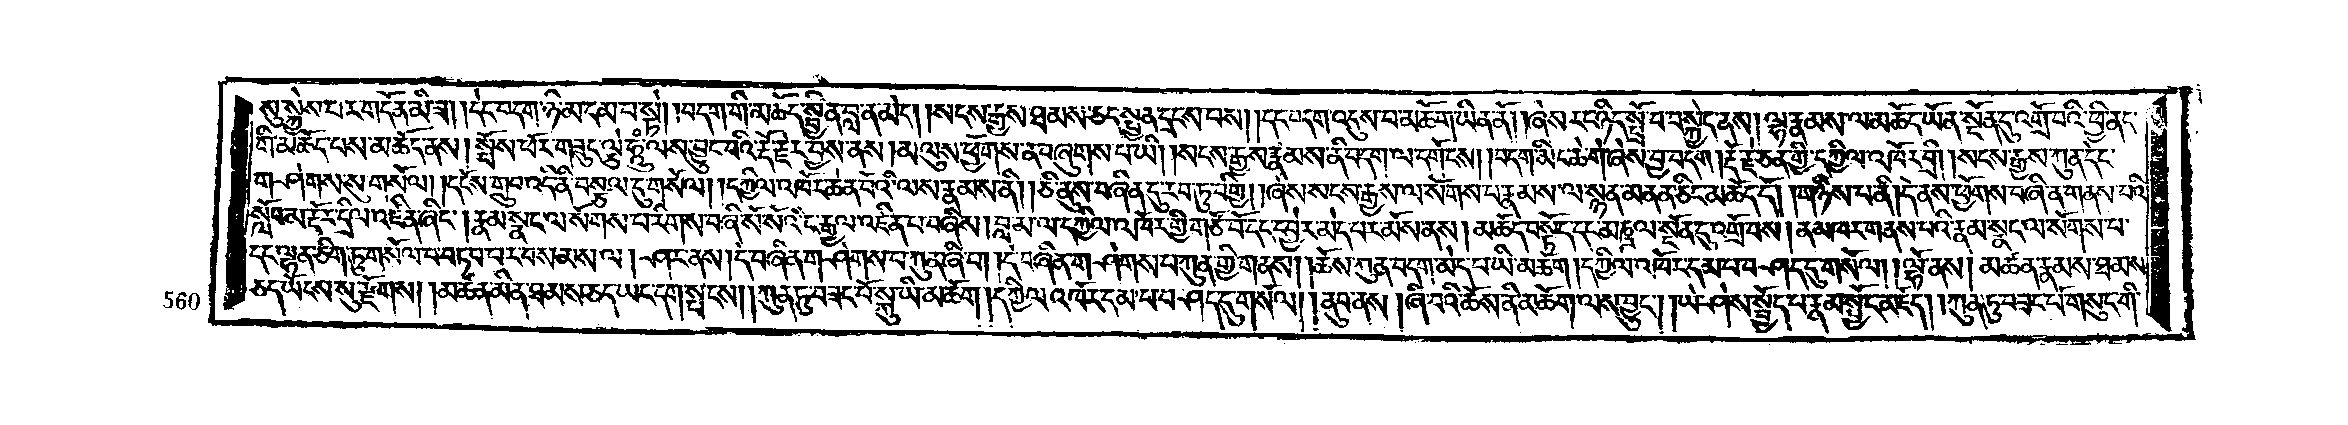སུ་སྐྱེས་པར་གདོན་མི་ཟ། །དེང་བདག་ཉི་མ་དམ་པ་སྟེ། །བདག་གི་མཆོད་སྦྱིན་བླ་ན་མེད། །སངས་རྒྱས་ཐམས་ཅད་སྤྱན་དྲངས་པས། །དང་བདག་འདུས་པ་མཆོག་ཡིན་ནོ། །ཞེས་རང་ཉིད་སྤྲོ་བ་བསྐྱེད་ནས། ལྷ་རྣམས་ལ་མཆོད་ཡོན་སྔོན་དུ་འགྲོ་བའི་ཕྱི་ནང་
གི་མཆོད་པས་མཆོད་ནས། སྤོས་ཕོར་གཟུང་ལྕེ་ཧཱུཾ་ལས་བྱུང་བའི་རྡོ་རྗེར་བྱས་ནས། མ་ལུས་ཕྱོགས་ན་བཞུགས་པ་ཡི། །སངས་རྒྱས་རྣམས་ནི་བདག་ལ་དགོངས། །བདག་མིང་ཆེ་གེ་ཞེས་བྱ་བདག །རྡོ་རྗེ་ཅན་གྱི་དཀྱིལ་འཁོར་བྲི། །སངས་རྒྱས་ཀུན་དེང་
གཤེགས་སུ་གསོལ། །དངོས་གྲུབ་འདི་ནི་བསྩལ་དུ་གསོལ། །དཀྱིལ་འཁོར་ཆེན་པོའི་ལས་རྣམས་ནི། །ཅི་ནུས་བཞིན་དུ་རབ་ཏུ་བགྱི། །ཞེས་སངས་རྒྱས་ལ་སོགས་པ་རྣམས་ལ་སྙན་མནན་ཅིང་མཆོད་དོ། །གཉིས་པ་ནི། དེ་ནས་ཕྱོགས་བཞི་ན་གནས་པའི་
སློབ་མ་རྡོར་དྲིལ་འཛིན་ཞིང་། རྣམ་སྣང་ལ་སོགས་པ་རིགས་བཞི་སོ་སོའི་ང་རྒྱལ་འཛིན་པ་བཞིས། བླ་མ་ལ་དཀྱིལ་འཁོར་གྱི་གཙོ་བོ་དང་དབྱེར་མེད་པར་མོས་ནས། མཆོད་བསྟོད་དང་མཎྜལ་སྔོན་དུ་འགྲོ་བས། ནམ་མཁར་གནས་པའི་རྣམ་སྣང་ལ་སོགས་པ་
དང་ལྷན་ཅིག་ཏུ་གསོལ་བ་བཏབ་པར་བསམས་ལ། ཤར་ནས། དེ་བཞིན་གཤེགས་པ་ཀུན་ཞི་བ། །དེ་བཞིན་གཤེགས་པ་ཀུན་གྱི་གནས། །ཆོས་ཀུན་བདག་མེད་པ་ཡི་མཆོག །དཀྱིལ་འཁོར་དམ་པ་བཤད་དུ་གསོལ། །ལྷོ་ནས། མཚན་རྣམས་ཐམས་
ཅད་ཡོངས་སུ་རྫོགས། །མཚན་མིན་ཐམས་ཅད་ཡང་དག་སྤངས། །ཀུན་ཏུ་བཟང་པོ་སྐུ་ཡི་མཆོག །དཀྱིལ་འཁོར་དམ་པ་བཤད་དུ་གསོལ། །ནུབ་ནས་།ཞི་བའི་ཆོས་ནི་མཆོག་ལས་བྱུང་། །ཡེ་ཤེས་སྤྱོད་པ་རྣམ་སྦྱོང་མཛད། །ཀུན་ཏུ་བཟང་པོ་གསུང་གི་